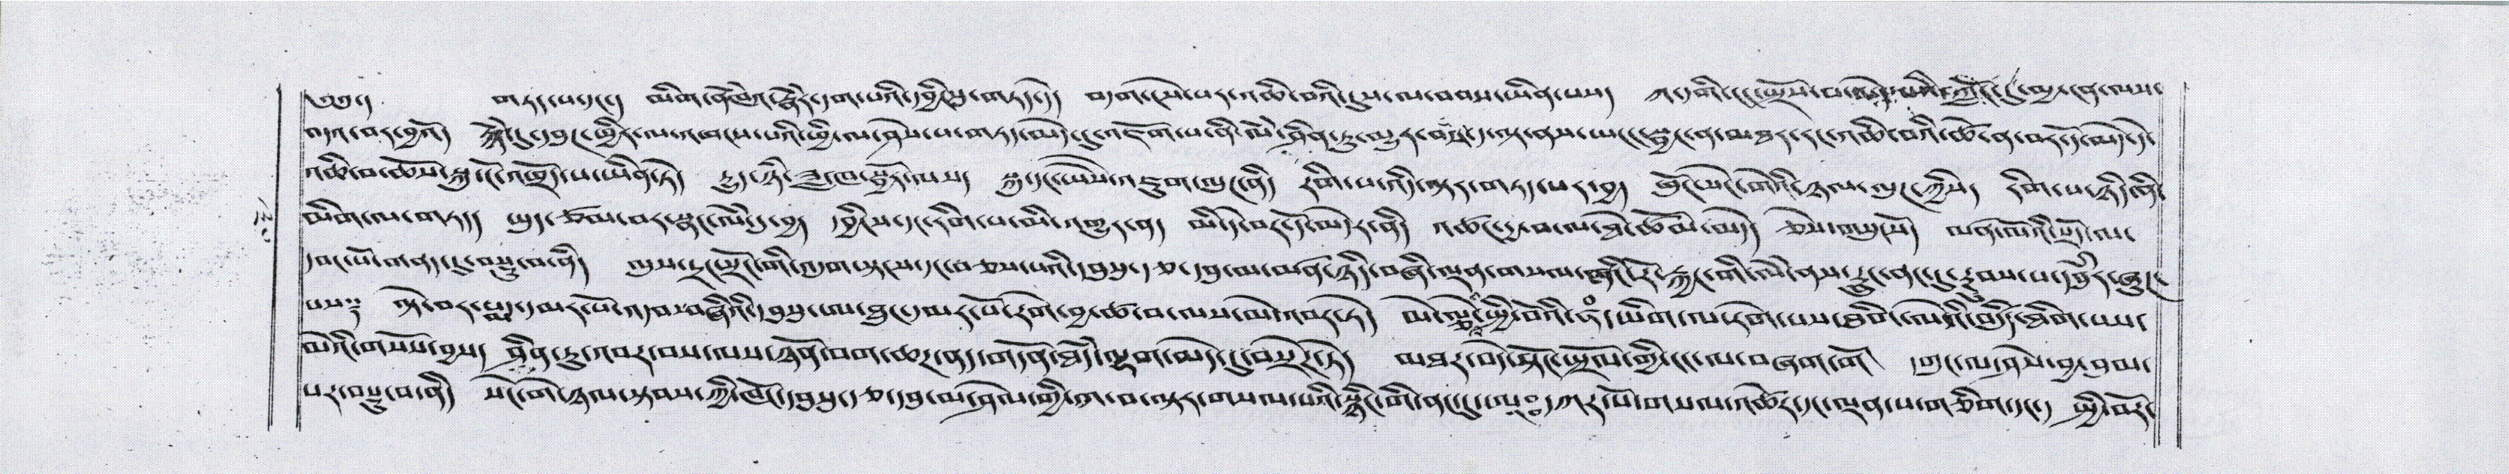གཏད་པ་དང། མིག་ནམ་མཁའ་རྣམ་པར་དག་པའི་དབྱིངས་སུ་གཏད་དེ། བདག་ངེས་པར་འཆི་བའི་དུས་ལ་བབས་ཡིན་པས། ཀ་དག་གི་ངང་སྤྲོས་པ་མེད་པའི་ཀློང་དུ་མྱ་ངན་ལས་
འདའ་བར་བྱའོ། སྙམ་དུ་དབུགས་ཕྱིར་ལ་འཕངས་པའི་ཕྱི་ལ་ཤེས་པ་གཏད་མེད་དུ་འཇོག་པ་ནི་ལམ་ཤིན་ཏུ་མྱུར་བས་ད་ལྟ་ནས་ཡང་ཡང་སྦྱང་ན་མཐར་རང་འཆི་བའི་ཚེ་ན་བར་དོ་མེད་དེ་
འཆི་བ་ཆོས་སྐུ་ངོ་འཕྲོད་པ་ཡིན་ཏེ། རྒྱུད་ཉི་ཟླ་ཁ་སྦྱོར་ལས། སྐུ་དང་ཡེ་ཤེས་འཇུག་ལུགས་ནི། རིག་པ་འདི་ལྟར་གཏད་པར་བྱ། ཕུང་པོ་སེང་གེའི་ཉལ་ལུགས་ཀྱིས། རིག་པ་ཉིད་ནི་
མིག་ལ་གཏད། ཡུད་ཙམ་བར་སྣང་ལམ་དུ་བྱ། དབྱིངས་དང་རིག་པ་མི་འགྱུར་ན། མི་དེ་བར་དོ་མེད་པར་ནི། འཚང་རྒྱ་བ་ལ་ཐེ་ཚོམ་མེད། ཅེས་གསུངས་སོ། མཚན་མོའི་སྲོད་ལ་
དབང་པོ་གནད་དུ་བསྡུ་བ་ནི། ལུས་དྲང་སྲོང་གི་འདུག་སྟངས་དང་བཅས་པའི་དབུས་སུ་རྩ་དབུ་མ་མཚན་ཉིད་བཞི་ལྡན་གསལ་ཞིང་རོ་རྐྱང་གི་ལམ་ནས་རླུང་ནང་དུ་རྔུབས་པ་དབུ་མར་བཞུགས་
པས། ལྟེ་བར་པདྨ་དམར་པོ་འདབ་བཞིའི་དབུས་སུ་ཨ་ཐུང་དམར་པོ་རེག་བྱ་ཚ་བ་ལས་མེ་འབར་ཏེ། མེ་ལྕེ་ལ་སྤྱི་བོའི་ཧཾ་ཡིག་ལ་རེག་པས་ཐིག་ལེའི་བདུད་རྩི་ཐིག་པས་
མེའི་གསོས་བས། ཤིན་ཏུ་འབར་བས་ལས་ཉོན་བག་ཆགས་ནད་གདོན་ཐམས་ཅད་ལྷག་མེད་དུ་བསྲེགས་ཏེ། མཐར་བདེ་སྟོང་སྤྲོས་བྲལ་གྱི་ངང་ལ་བཞག་གོ། དགུང་ལ་ཤེས་བྱ་བུམ་
པར་བསྡུ་བ་ནི། སེང་གེ་ཉལ་སྟབས་ཀྱི་ཁོང་དབུས་སུ་རྩ་དབུ་མ་ཤེལ་གྱི་ཀ་བ་ལྟར་གསལ་པའི་སྙིང་གི་ནང་དུ་ཨཱཿདཀར་པོ་གསལ་འཚེར་དང་ལྡན་པ་གཅིག་དང། སྤྱི་བོར་